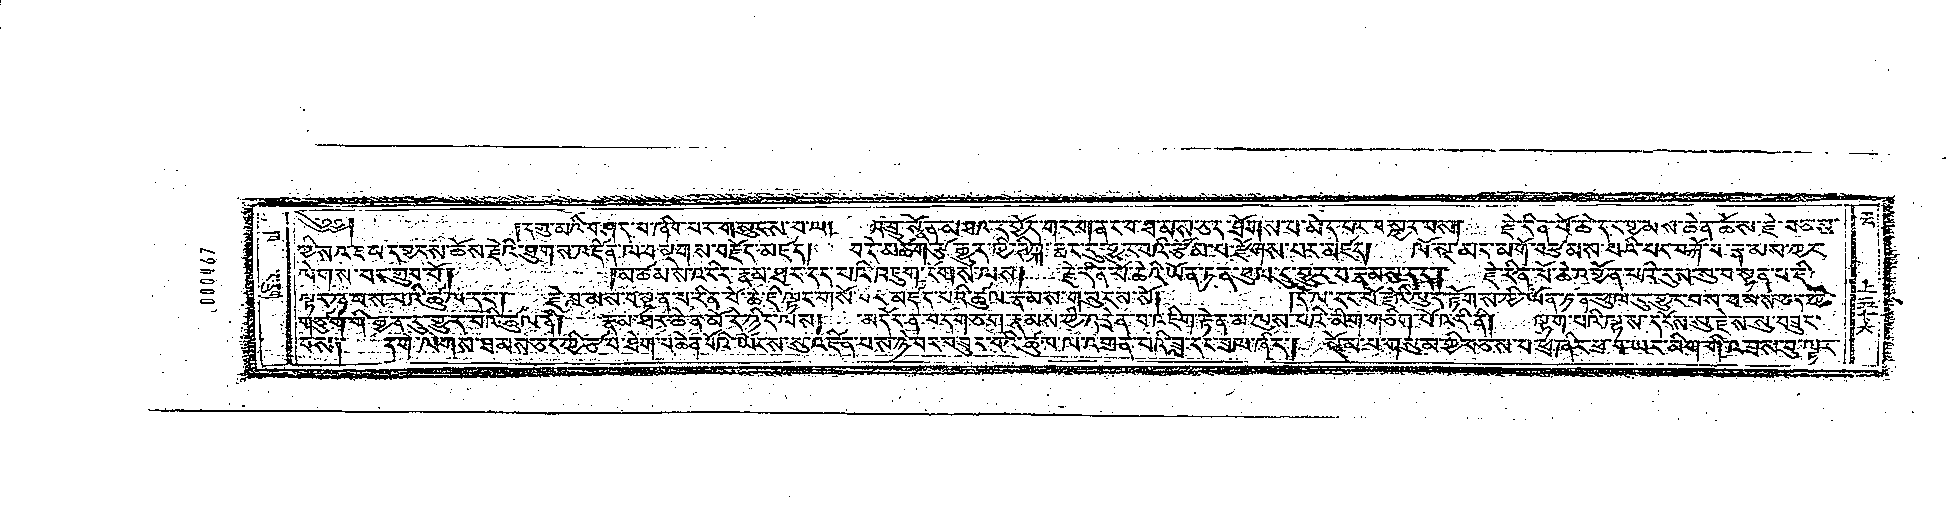༄༅། །དགུ་མའི་བཤད་པ་ཞིབ་པར་གསུངས་བ་ལ། འབྲུ་སྣོན་མཐའ་དབྱོད་གང་གནང་བ་ཐམས་ཅད་ཐོགས་པ་མེད་པར་བསྐྱར་བས། རྗེ་རིན་པོ་ཆེ་དང་བྱམས་ཆེན་ཆོས་རྗེ་བཅས་
ཀྱིས་འཇམ་དབྱངས་ཆོས་རྗེའི་ཐུགས་འཛིན་ལ་བསྔགས་བརྗོད་མཛད། བདེ་མཆོག་རྩ་རྒྱུད་ཀྱི་ཊིཀྐ་རྨད་དུ་བྱུང་བའི་རྩོམ་པ་རྫོགས་པར་མཛད། ལོ་སྔ་མང་མགོ་བརྩམས་པའི་པང་བརྐོ་པ་རྣམས་ཀྱང་
ལེགས་པར་གྲུབ་པོ། །མཚམས་འདིར་རྣམ་ཐར་དད་པའི་འཇུག་ངོགས་ལས། རྗེ་རིན་པོ་ཆེའི་ཡོན་ཏན་ཕུལ་དུ་བྱུང་བ་རྣམས་དང་། རྗེ་རིན་པོ་ཆེ་འབྱོན་པའི་དུས་སུ་བསྟན་པ་ཇི་
ལྟར་ཉམས་པའི་ཚུལ་དང་། རྗེ་བླ་མས་བསྟན་པ་རིན་པོ་ཆེ་ཇི་ལྟར་གསོ་བར་མཛད་པའི་ཚུལ་རྣམས་གསུངས་སོ། །དེ་ལ་དང་པོ་རྗེའི་ལུང་རྟོགས་ཀྱི་ཡོན་ཏན་ཕུལ་དུ་བྱུང་བས་ཐམས་ཅད་ཀྱི་
གཙུག་གི་རྒྱན་དུ་གྱུར་པའི་ཚུལ་ནི། རྣམ་ཐར་ཆེན་མོ་དེ་ཉིད་ལས། མདོར་ན་བདག་ཅག་རྣམས་ཀྱི་འདྲེན་བ་འཇིག་རྟེན་མ་ལུས་པའི་མིག་གཅིག་པ་འདི་ནི། ལྷག་པའི་ལྷས་དངོས་སུ་རྗེས་སུ་བཟུང་
བས༑ དགེ་ལེགས་ཐམས་ཅད་ཀྱི་རྩ་བ་ཐེག་པ་ཆེན་པོའི་ཡོངས་སུ་འཛིན་པས་ཉེ་བར་བཟུང་བའི་ཚུལ་ལ་འགྲེན་པའི་ཟླ་དང་བྲལ་ཞིང་། སྡོམ་པ་གསུམ་གྱི་བཅས་པ་ཕྲ་ཞིང་ཕྲ་བ་ཡང་མིག་གི་འབྲས་བུ་ལྟར་